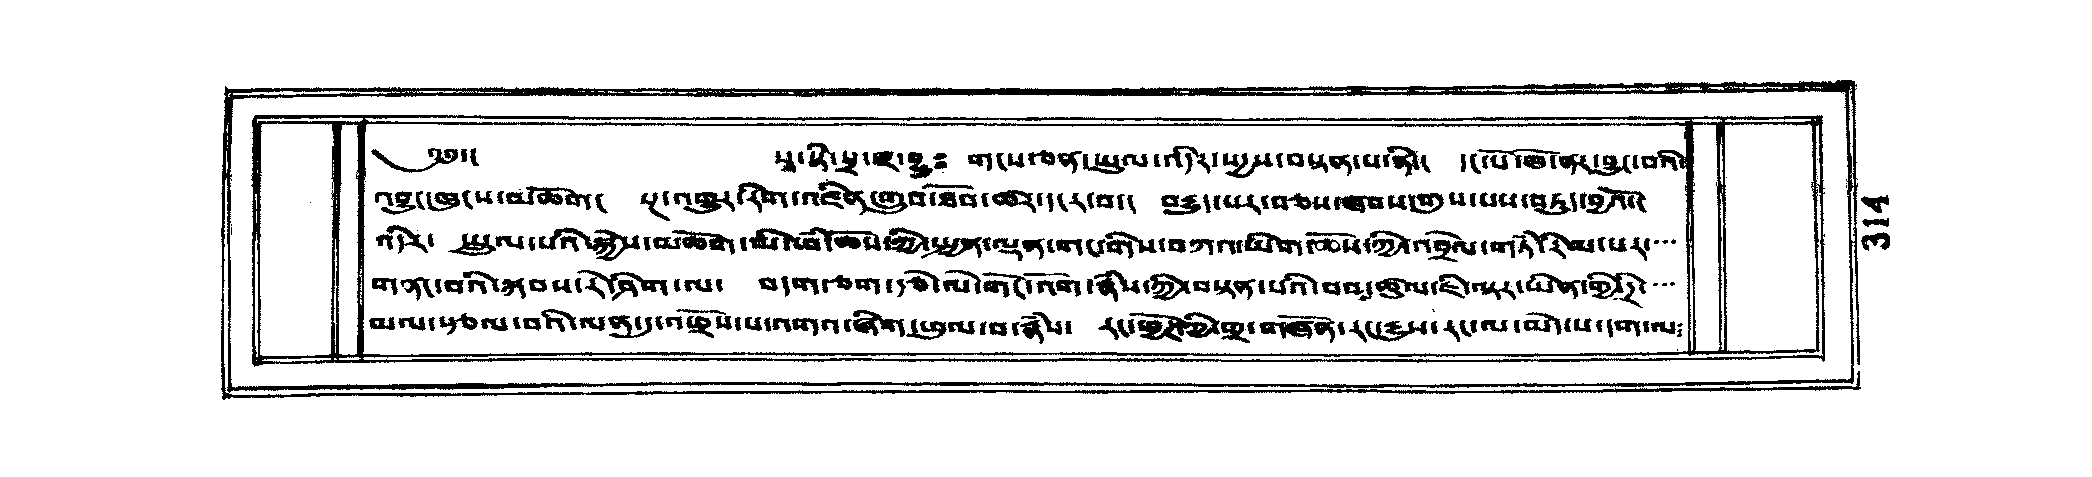སྭ་སྟི་པྲ་ཛྙཱ་བྷྱཿ གངས་ཅན་ཡུལ་འདིར་སངས་རྒྱས་བསྟན་པ་ནི། །དང་པོ་ཁོ་ནར་བྱུང་བའི་
འབྱུང་ཁུངས་མཆོག །སྔ་འགྱུར་རིག་འཛིན་གྲུབ་ཐོབ་ཚར་དངར་བ། །བརྒྱུད་པར་བཅས་ཞབས་གུས་པས་བཏུད་བྱའོ། 
འདིར་སྤྲུལ་པའི་སྐྱེས་མཆོག་མི་ཕམ་ཆོས་ཀྱི་སྤྱན་ལྡན་གང་གིས་བཀའ་ཡིག་ཆོས་ཀྱི་འབེལ་གཏམ་རིམ་པར་
གནང་བའི་སྐབས་རེ་ཤིག་ལ། བདག་ཅག་རྩེ་ལེ་གོང་འོག་རྣམས་ཀྱི་བསྟན་པའི་བབས་ཚུལ་ཇི་ལྟར་ཡིན་གྱི་དྲི་
མོལ་བསྩལ་བའི་ལན་དུ་འཕྲོས་པ་འགའ་ཞིག་ཕུལ་བ་རྣམས། རང་ཕྱོགས་ཀྱི་གྲྭ་གཞོན་རང་རྒྱུས་རང་ལ་མེད་པ་དག་ལ་